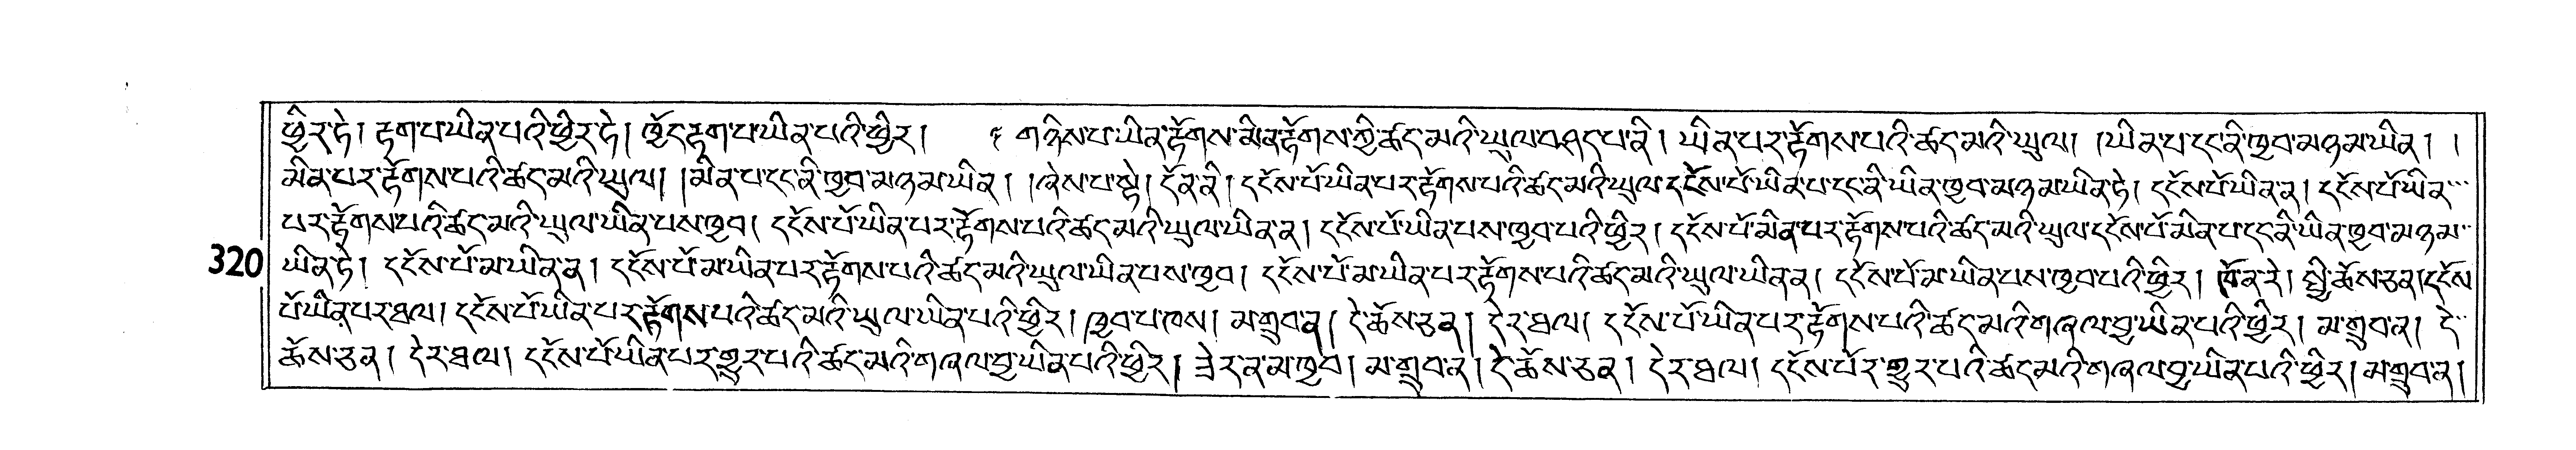ཕྱིར་ཏེ། རྟག་པ་ཡིན་པའི་ཕྱིར་ཏེ། ཁྱོད་རྟག་པ་ཡིན་པའི་ཕྱིར། ༈ གཉིས་པ་ཡིན་རྟོགས་མིན་རྟོགས་ཀྱི་ཚད་མའི་ཡུལ་བཤད་པ་ནི། ཡིན་པར་རྟོགས་པའི་ཚད་མའི་ཡུལ། །ཡིན་པ་དང་ནི་ཁྱབ་མཉམ་ཡིན། །
མིན་པར་རྟོགས་པའི་ཚད་མའི་ཡུལ། །མིན་པ་དང་ནི་ཁྱབ་མཉམ་ཡིན། །ཞེས་པ་སྟེ། དོན་ནི། དངོས་པོ་ཡིན་པར་རྟོགས་པའི་ཚད་མའི་ཡུལ་དངོས་པོ་ཡིན་པ་དང་ནི་ཡིན་ཁྱབ་མཉམ་ཡིན་ཏེ། དངོས་པོ་ཡིན་ན། དངོས་པོ་ཡིན་
པར་རྟོགས་པའི་ཚད་མའི་ཡུལ་ཡིན་པས་ཁྱབ། དངོས་པོ་ཡིན་པར་རྟོགས་པའི་ཚད་མའི་ཡུལ་ཡིན་ན། དངོས་པོ་ཡིན་པས་ཁྱབ་པའི་ཕྱིར། དངོས་པོ་མིན་པར་རྟོགས་པའི་ཚད་མའི་ཡུལ་དངོས་པོ་མིན་པ་དང་ནི་ཡིན་ཁྱབ་མཉམ་
ཡིན་ཏེ། དངོས་པོ་མ་ཡིན་ན། དངོས་པོ་མ་ཡིན་པར་རྟོགས་པའི་ཚད་མའི་ཡུལ་ཡིན་པས་ཁྱབ། དངོས་པོ་མ་ཡིན་པར་རྟོགས་པའི་ཚད་མའི་ཡུལ་ཡིན་ན། དངོས་པོ་མ་ཡིན་པས་ཁྱབ་པའི་ཕྱིར། ཁོ་ན་རེ། སྤྱི་ཆོས་ཅན། དངོས་
པོ་ཡིན་པར་ཐལ། དངོས་པོ་ཡིན་པར་རྟོགས་པའི་ཚད་མའི་ཡུལ་ཡིན་པའི་ཕྱིར། ཁྱབ་པ་ཁས། མ་གྲུབ་ན། དེ་ཆོས་ཅན། དེར་ཐལ། དངོས་པོ་ཡིན་པར་རྟོགས་པའི་ཚད་མའི་གཞལ་བྱ་ཡིན་པའི་ཕྱིར། མ་གྲུབ་ན། དེ་
ཆོས་ཅན། དེར་ཐལ། དངོས་པོ་ཡིན་པར་གྱུར་པའི་ཚད་མའི་གཞལ་བྱ་ཡིན་པའི་ཕྱིར། ཟེར་ན་མ་ཁྱབ། མ་གྲུབ་ན། དེ་ཆོས་ཅན། དེར་ཐལ། དངོས་པོར་གྱུར་པའི་ཚད་མའི་གཞལ་བྱ་ཡིན་པའི་ཕྱིར། མ་གྲུབ་ན་